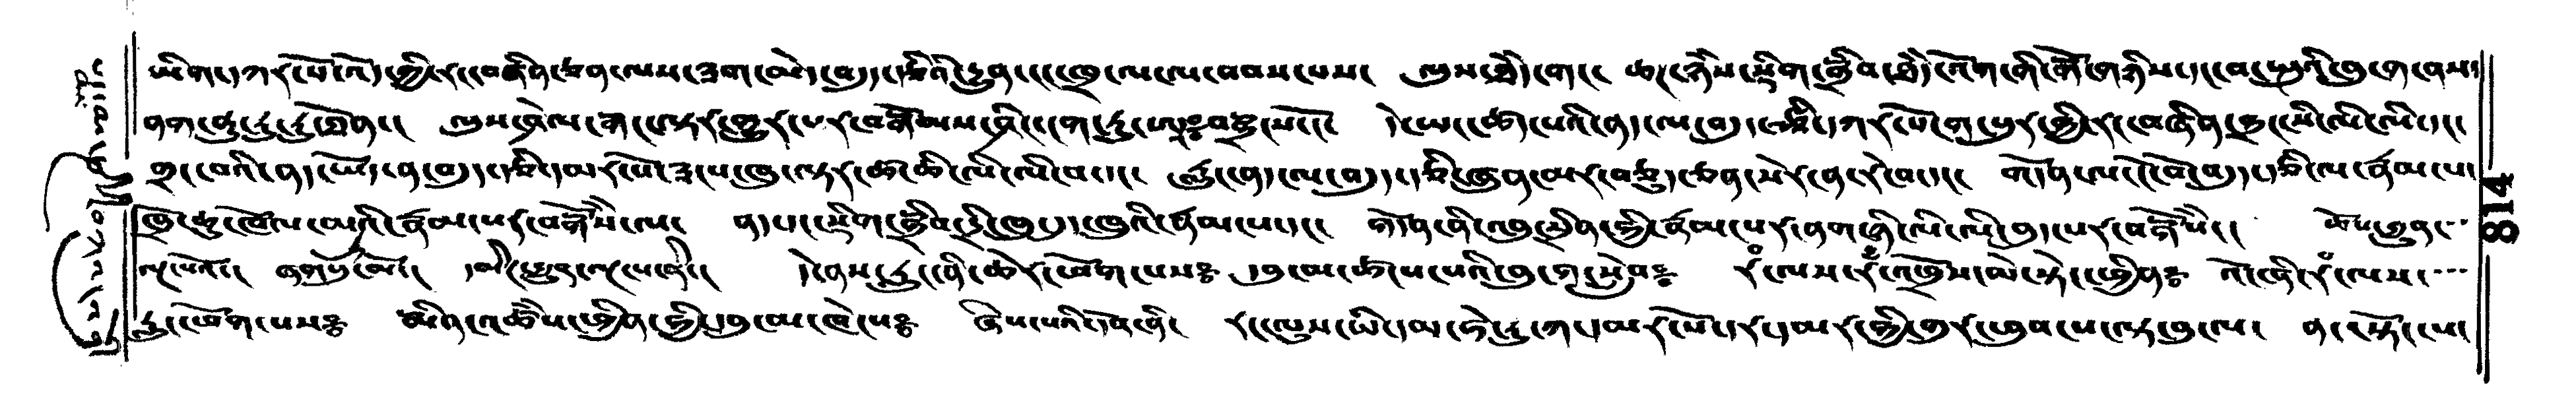ཡིག་དཀར་པོ་འོད་ཀྱི་རང་བཞིན་ཅན་ལས་ཟག་མེད་བདུད་རྩིའི་རྒྱུན་ངང་ཁྲ་ལ་ལ་བབས་པས། ལུས་ཐམས་ཅད་གང་། ཆག་ཉམས་སྡིག་སྒྲིབ་ཐམས་ཅད་འོག་གི་སྒོ་གཉིས་དང་བ་སྤུའི་བུ་ག་ནས་
ནག་ནུ་རུ་རུ་ཐོན། ལུས་ཤེལ་སྒོང་ལྟར་གྱུར་པར་བསྒོམས་ཤིང་ངག་ཏུ་ཨཱཿབསྒྲང་ངོ་། དེ་ཡང་ཚད་པའི་ནད་ལ་བདུད་རྩི་དཀར་པོ་ག་བུར་གྱི་རང་བཞིན་གྲང་སི་ལི་ལི་དང་།
གྲང་བའི་ནད་ཡོད་ན་བདུད་རྩི་དམར་པོ་ཟངས་ཁུ་ལྟར་ཚ་ཆི་ལི་ལི་བ་དང་། རླུང་ནད་ལ་བདུད་རྩི་ཞུན་མར་བཅུད་ཅན་སེར་ན་རེ་བ་དང་། གདོན་ལ་ངོ་བོ་བདུད་རྩི་ལ་རྣམ་པ་
ཁྲོ་ཆུ་ཁོལ་མའི་རྣམ་པར་བསྒོམ་ལ། ནད་དང་སྡིག་སྒྲིབ་དྲི་ཁུ་དུད་ཁུའི་རྣམ་པ་དང་། གདོན་ནི་འབུ་སྲིན་གྱི་རྣམ་པར་ནག་ཉི་ལི་ལི་བུད་པར་བསྒོམ། ཆོས་ཐུན་
ལྔ་པའོ། ཞག་གསུམ་མོ། དམིགས་ཐུན་ལྔ་པ་ནི། དེ་ནས་རླུང་ནི་ཆེར་ཕོག་པས༔ དབུ་མ་ཚངས་པའི་བུ་གར་སླེབ༔ རྃ་ལས་རྃ་འཕྲོས་མེ་སྟེང་ཕྱིན༔ ( འོང་ནི་ ) རཾ་ལ་
རླུང་ཕོག་པས༔ སྨིན་མཚམས་ཕྱིན་གྱི་དབུ་མ་ཁེངས༔ ཞེས་པའི་དོན་ནི། རང་ལུས་ཡི་དམ་ཧེ་རུ་ཀ་དམར་པོ་དར་དམར་གྱི་གུར་ཕུབ་པ་ལྟ་བུ་ལ། ནང་སྟོང་པ་